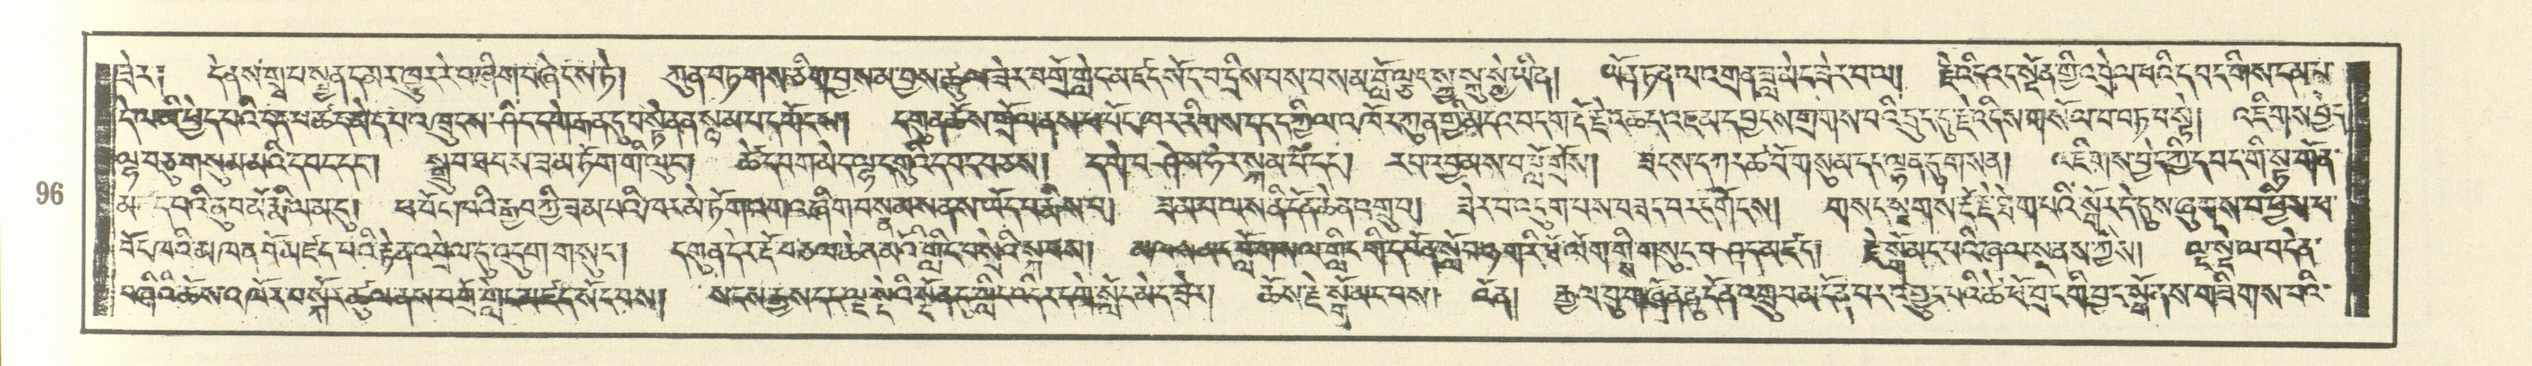ཟེར༑ དེ་ནས་གྲྭ་པ་སྤྱན་དམར་ཁྱུར་རེ་བ་ཞིག་བཞེངས་ཏེ། ཀུན་བཏགས་ཅིག་བྱས་མ་བྱས་ཚུལ་ཟེར་བགྲོ་གླེང་མཛད་སོང་བ་དྲིས་བས་བསམ་བློ་ལྕང་སྐྱ་སྐུ་སྐྱེ་ཡིན། ཡོན་ཏན་ལ་འགྲན་ཟླ་མེད་ཟེར་བ་ལ། རྗེ་འདིའང་སྔོན་གྱི་འབྲེལ་བའི་དབང་གིས་དམ་པ་
དེ་ལ་མི་ཕྱེད་པའི་དད་པ་ཚད་མེད་པ་འཁྲུངས་ཤིང་དགེ་རྒན་དུ་བསྟེན་ན་སྙམ་པ་དགོངས། དགུན་ཆོས་གྲོལ་ནས་ཕ་པོང་ཁར་རིགས་དད་དཀྱིལ་འཁོར་ཀུན་གྱི་མངའ་བདག་རྡོ་རྗེ་འཆད་འཇམ་དབྱངས་གྲགས་པའི་དྲུང་དུ་རྗེ་འདིས་གསོལ་པ་བཏབ་སྟེ། འཇིགས་བྱེད་
ལྷ་བཅུ་གསུམ་མའི་དབང་དང་། སྒྲུབ་ཐབས་ཟ་མ་ཏོག་གི་ལུང་། ཚེ་དཔག་མེད་ལྷ་དགུའི་དབང་བཅས། དགེ་བཤེས་ཧེར་སྐམ་པོ་དང་། རབ་འབྱམས་བ་བློ་གྲོས། ཟངས་དཀར་ཚ་བོ་གསུམ་དང་ལྷན་དུ་གསན། འཇིགས་བྱེད་ཀྱི་དབང་གི་སྟ་གོན་
མཛད་པའི་ནུབ་མོ་རྨི་ལམ་དུ། ཕ་བོང་ཁའི་རྒྱབ་ཀྱི་ཟམ་པའི་ཁར་མེ་ཏོག་འགའ་ཞིག་བསྣམས་ནས་ཡོད་པ་རྨིས་པ། ཟམ་པ་ལས་ནི་དོན་ཆེན་འགྲུབ། ཟེར་བ་འདུག་པས་བཟང་བར་དགོངས། གསང་སྔགས་རྡོ་རྗེ་ཐེག་པའི་སྒོར་དེ་དུས་ཞུགས་པ་ཕྱིས་ཕ་
བོང་ཁའི་མཁན་པོ་མཛད་པའི་རྟེན་འབྲེལ་དུ་འདུག་གསུང་། དགུན་དེར་རྡོ་བཅལ་ཆེན་མོའི་གླིང་བསྲེའི་སྐབས། མཁས་མང་བློ་གསལ་གླིང་གི་དཔོན་སློབ་ཉག་རི་ཐོ་ལོག་གིས་གསུང་བཤད་མཛད། རྗེ་སྒོ་མང་པའི་ཞལ་སྔ་ནས་ཀྱིས། ལྔ་སྡེ་ལ་བདེན་
བཞིའི་ཆོས་འཁོར་བསྐོར་ཚུལ་ནས་བགྲོ་གླེང་མཛད་སོང་བས། སངས་རྒྱས་དང་ལྔ་སྡེའི་སྔོན་དུ་གླིང་འདིར་དགེ་སློང་མེད་ཟེར། ཆོས་རྗེ་སྒོ་མང་བས། འོན། རྒྱལ་བུ་གཞོན་ནུ་དོན་འགྲུབ་མངོན་བར་འབྱུང་པའི་ཚེ་ཕོ་བྲང་གི་བྱང་སྒོ་ནས་གཟིགས་པའི་